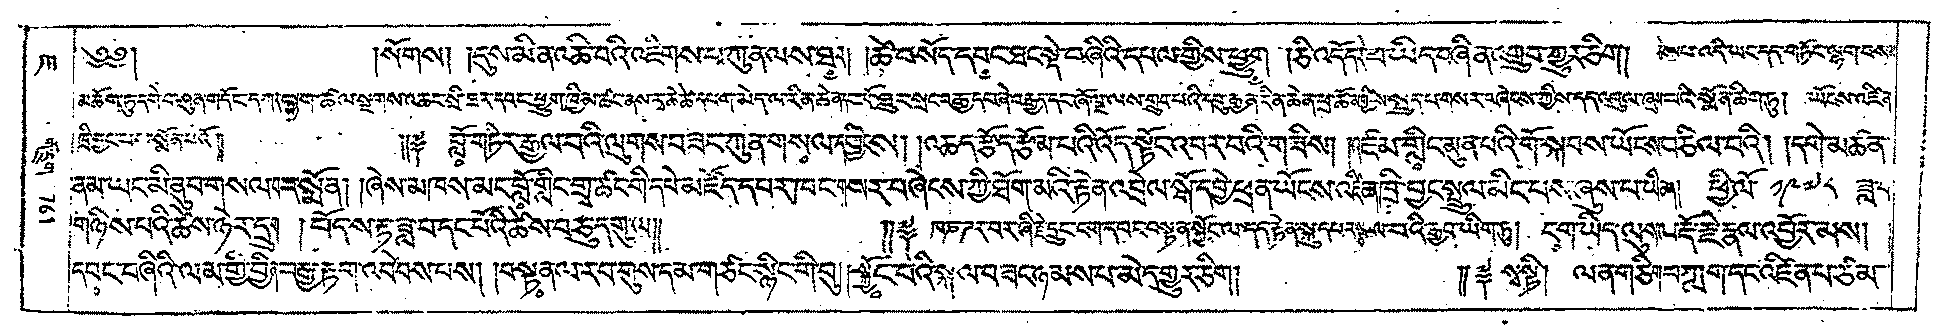༄༅། །སོགས། །དུས་མིན་འཆི་བའི་འཇིགས་པ་ཀུན་ལས་ཐར྾། །ཚེ་བསོད་དབང྾་ཐང་སྡེ་བཞིའི་དཔལ་གྱིས་ཕྱུག྾་།ཅི་འདོད་རེ་བ་ཡིད་བཞིན་འགྲུབ་གྱུར་ཅིག །ཅེས་པ་འདི་ཡང་དད་གཏོང་ལྷག་བསམ་
མཆོག་ཏུ་དགེ་བ་ཤུན་གདོང་དཀར་སྟག་ཚལ་སྔགས་འཆང་སྲི་ཐར་དབང་ཕྱུག་ཁྱིམ་ཚང་ནས་རྭ་ཆེ་ཚེ་དཔག་མེད་ལ་རིན་ཆེན་དང་པོ་ཐུར་སྲང་བརྒྱ་དང་ཞེ་བརྒྱད་དང་ཞོ་ལྔ་ལས་གྲུབ་པའི་དབུ་རྒྱན་རིན་ཆེན་ཕྲ་ཚོམ་གྱིས་སྤུད་པ་གསར་བཞེངས་ཀྱིས་དད་འབུལ་ཞུས་པའི་སྨོན་ཚིག་ཏུ། ཡོངས་འཛིན་
ཁྲི་བྱང་པས་སྨོན་པའོ།། །། ༈ བློ྾་གཏེར་རྒྱལ་བའི་ལུགས་བཟང་ཀུན་གསལ྾་དབྱིངས། །འཆད་རྩོད་རྩོམ་པའི་འོད་སྟོང་འབར་བའི་གཟིས། །འཛམ་གླིང྾་མུན་པའི་གོ་སྐབས་ཡོངས་བཅིལ་བའི། །དགེ་མཚན་
ནམ་ཡང་མི་ནུབ་གསལ་བར་སྨོན། །ཞེས་མཁས་མང་བློ྾་གླིང་གྲྭ་ཚང་གི་དཔེ་མཛོད་དཔར་ཁང་གསར་བཞེངས་ཀྱི་ཐོག་མའི་རྟེན་འབྲེལ་སྒོ་དབྱེ་ཕྲན་ཡོངས་འཛིན་ཁྲི་བྱང་སྤྲུལ་མིང་པས་ཞུས་པ་ཡིན། ཕྱི་ལོ ༡༩༧༨་ཟླ་བ་
གཉིས་པའི་ཚེས་ཉེར་དྲུག །བོད་ས་རྟ་ཟླ་བ་དང་པོའི་ཚེས་བཅུ་དགུ་ལ།། །། ༈ ཁ་ཎ་ཌར་པར་ཞི་རྗེ་དྲུང་ངག་དབང་བསྟན་སྐྱོང་ལ་དད་རྟེན་སྐུ་དཔར་སྩལ་བའི་རྒྱབ་ཡིག་ཏུ།  ངག྾་ཡིད་ལུས་ལ་རྡོ་རྗེ་རྣལ་འབྱོར་མས། །
དབང྾་བཞིའི་ལམ་གྱི་བྱིན་བརྒྱ་རྟག་འབེབས་པས། །བསྟན྾་ལ་རབ་གུས་དམ་གཙང་སྙིང་གི་བུ། །སྐྱོང྾་བའི་སྐལ་བཟང་ཉམས་པ་མེད་གྱུར་ཅིག ། །། ༈ སྭ་སྟི། ལན་གཅིག་བཀླག་དང་འཛིན་པ་ཙམ་